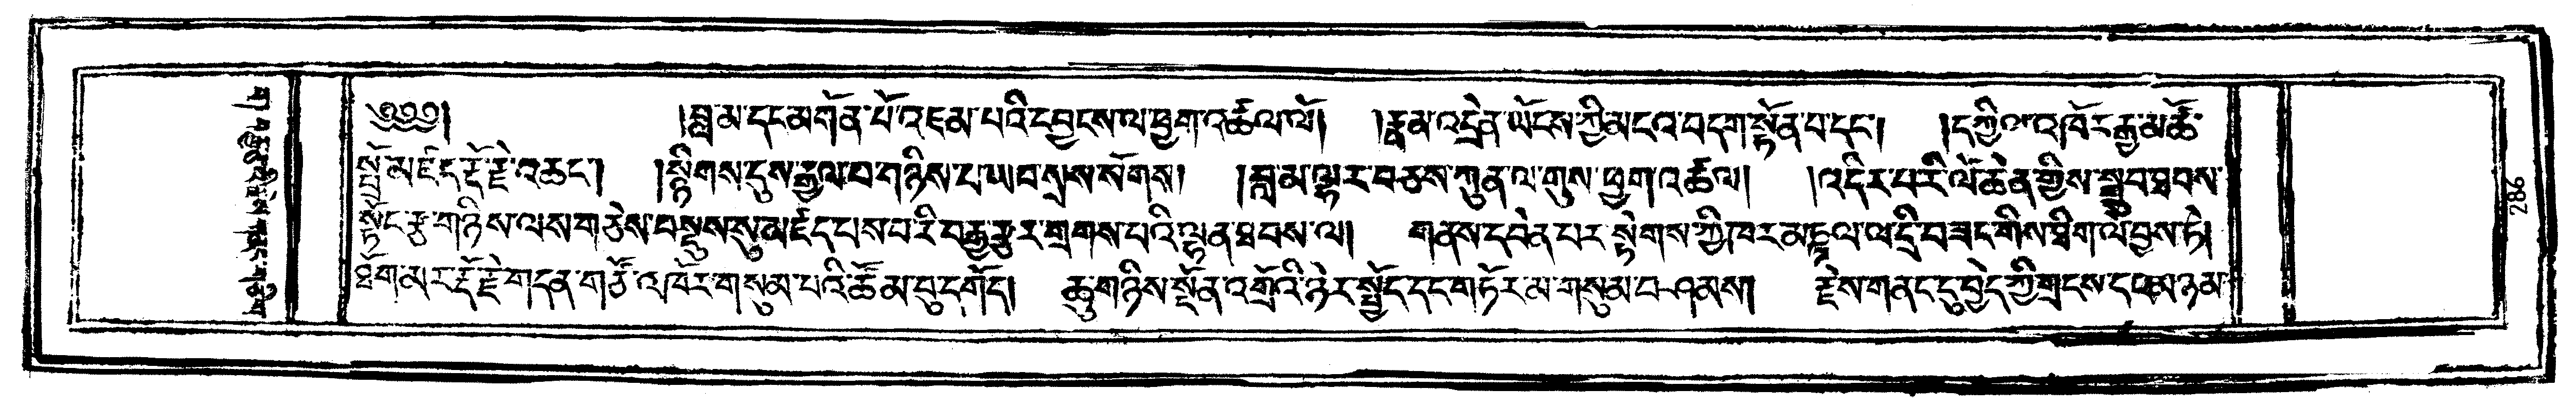༄༅༅། །བླ་མ་དང་མགོན་པོ་འཇམ་པའི་དབྱངས་ལ་ཕྱག་འཚལ་ལོ། །རྣམ་འདྲེན་ཡོངས་ཀྱི་མངའ་བདག་སྟོན་པ་དང་། །དཀྱིལ་འཁོར་རྒྱ་མཚོ་
སྤྲོ་མཛད་རྡོ་རྗེ་འཆང་། །སྙིགས་དུས་རྒྱལ་བ་གཉིས་པ་ཡབ་སྲས་སོགས། །བླ་མ་ལྷར་བཅས་ཀུན་ལ་གུས་ཕྱག་འཚལ། །འདིར་པ་རི་ལོ་ཆེན་གྱིས་སྒྲུབ་ཐབས་
སྟོང་རྩ་གཉིས་ལས་གཅེས་བསྡུས་སུ་མཛད་པས་པ་རི་བརྒྱ་རྩར་གྲགས་པའི་ལྷན་ཐབས་ལ། གནས་དབེན་པར་སྟེགས་ཀྱི་ཁར་མཎྜལ་ལ་དྲི་བཟང་གིས་ཐིག་ལེ་བྱས་ཏེ།
ཐོག་མར་རྡོ་རྗེ་གདན་གཙོ་འཁོར་གསུམ་པའི་ཚོམ་བུ་དགོད། ཆུ་གཉིས་སྔོན་འགྲོའི་ཉེར་སྤྱོད་དང་གཏོར་མ་གསུམ་བཤམས། རྗེས་གནང་དུ་བྱེད་ཀྱི་གྲངས་དང་མཉམ་